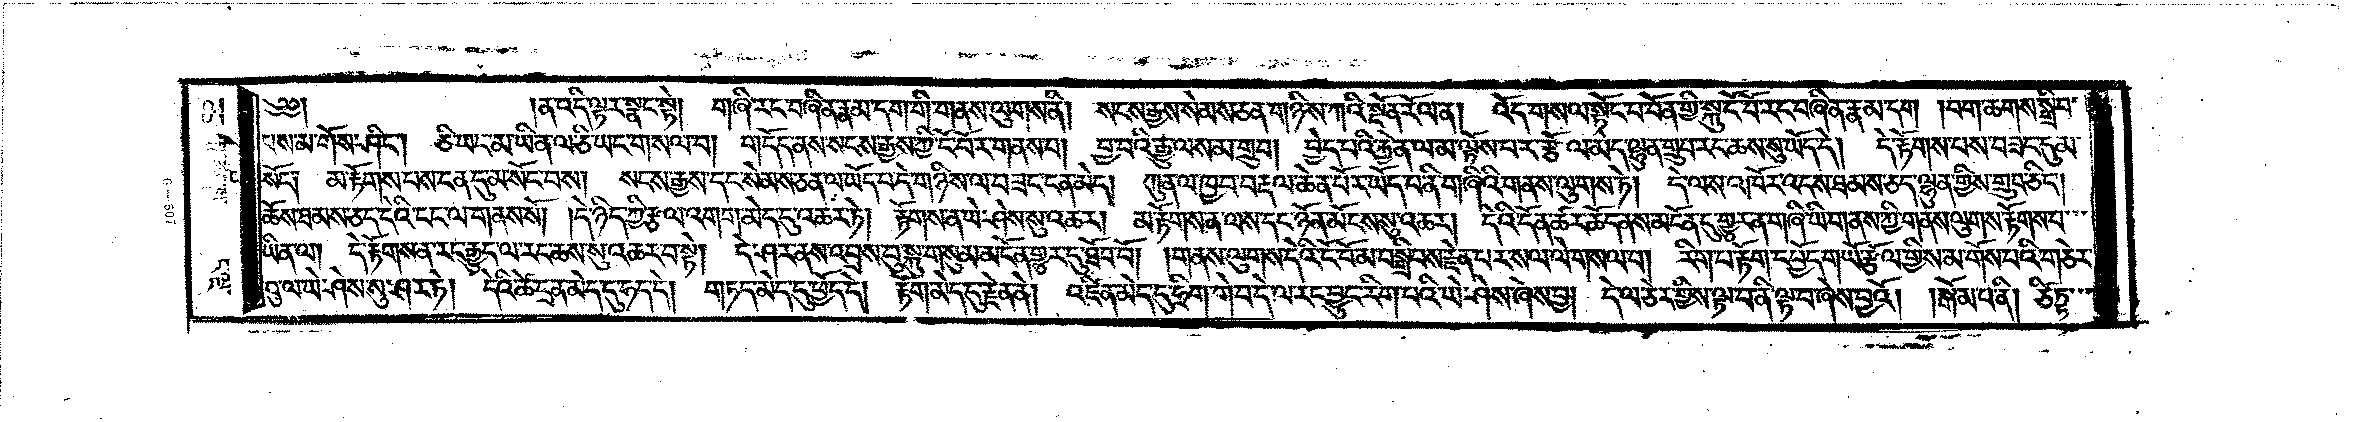༄༅། །ན་འདི་ལྟར་སྣང་སྟེ། གཞི་རང་བཞིན་རྣམ་དག་གི་གནས་ལུགས་ནི། སངས་རྒྱས་སེམས་ཅན་གཉིས་ཀའི་སྔོན་རོལ་ན། འོད་གསལ་སྟོང་པ་བོན་གྱི་སྐུ་ངོ་བོ་རང་བཞིན་རྣམ་དག །བག་ཆགས་སྒྲིབ་
པས་མ་གོས་ཤིང་། ཅི་ཡང་མ་ཡིན་ལ་ཅི་ཡང་གསལ་བ། གདོད་ནས་སངས་རྒྱས་ཀྱི་ངོ་བོར་གནས་པ། བྱ་བའི་རྒྱུ་ལས་མ་གྲུབ། བྱེད་པའི་རྐྱེན་ལ་མ་ལྟོས་པར་རྩོལ་མེད་ལྷུན་གྲུབ་རང་ཆས་སུ་ཡོད་དེ། དེ་རྟོགས་པས་བཟང་དུ་མ་
སོང༑ མ་རྟོགས་པས་ངན་དུ་མ་སོང་བས། སངས་རྒྱས་དང་སེམས་ཅན་ལ་ཡོད་བ་དེ་གཉིས་ལ་བཟང་ངན་མེད། ཀུན་ལ་ཁྱབ་བརྡལ་ཆེན་པོར་ཡོད་པ་ནི་གཞིའི་གནས་ལུགས་ཏེ། དེ་ལས་འཁོར་འདས་ཐམས་ཅད་ལྷུན་གྱིས་གྲུབ་ཅིང་།
ཆོས་ཐམས་ཅད་དེའི་ངང་ལ་གནས་སོ། །དེ་ཉིད་ཀྱི་རྩལ་འགག་མེད་དུ་འཆར་ཏེ། རྟོགས་ན་ཡེ་ཤེས་སུ་འཆར། མ་རྟོགས་ན་ལས་དང་ཉོན་མོངས་སུ་འཆར། དེའི་དོན་ཚར་ཆོད་ནས་མངོན་དུ་གྱུར་ན་གཞི་ཡིག་ནས་ཀྱི་གནས་ལུགས་རྟོགས་པ་
ཡིན་ལ། དེ་རྟོགས་ན་རང་རྒྱུད་ལ་རང་ཆས་སུ་འཆར་བ་སྟེ། དེ་ཤར་ནས་འབྲས་བུ་སྐུ་གསུམ་མངོན་གྱུར་དུ་ཐོབ་བོ། །གནས་ལུགས་དེའི་ངོ་བོ་མ་བསྒྲིབས་རྗེན་པར་སལ་ལེ་གསལ་བ། རིག་བ་རྟོག་དཔྱོད་གཡོ་རྩོལ་གྱིས་མ་གོས་པའི་གཅེར་
བུ་ལ་ཡེ་ཤེས་སུ་ཤར་ཏེ། དེའི་ཚེ་དྲན་མེད་དུ་ཧད་དེ། གཏད་མེད་དུ་ཕྱོད་དེ། རྟོག་མེད་དུ་རྗེན་ནེ། འཛིན་མེད་དུ་ཧྲིག་གེ་བདེ་ལ་རང་བྱུང་རིག་པའི་ཡེ་ཤེས་ཞེས་བྱ། དེ་ལ་ཅེར་གྱིས་ལྟ་བ་ནི་ལྟ་བ་ཞེས་བྱའོ། །སྒོམ་པ་ནི། ཙིཏྟ་